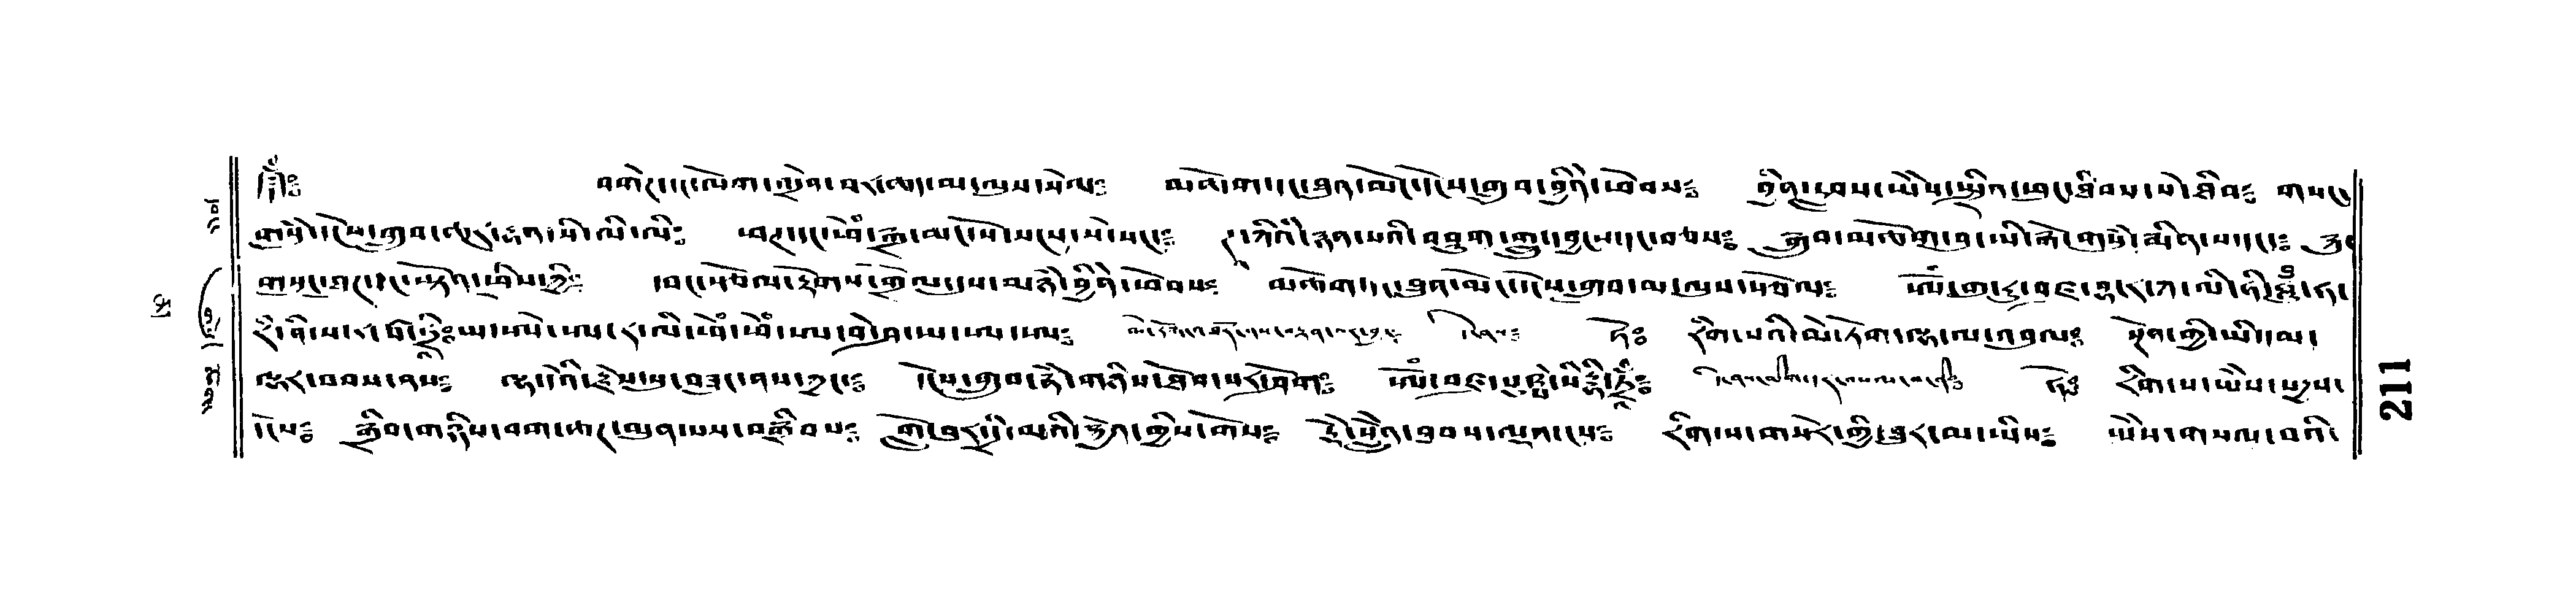བགེགས་དང་ལོག་འདྲེན་བར་ཆད་མ་ལུས་སོལ༔ མཆོག་དང་ཐུན་མོང་དངོས་གྲུབ་བྱིན་ཆེན་ཕོབས༔ བྱིན་རླབས་ཡེ་ཤེས་སྤྲིན་ཕུང་ཐིབས་སེ་ཐིབ༔ གསང་
གསུམ་དངོས་གྲུབ་ཆར་རྒྱུན་སི་ལི་ལི༔ ཕཊ་དང་ཕེཾ་སྒྲ་མང་པོ་སངས་སེ་སང༔ ཌཱ་ཀིའི་སྙན་པའི་བཤུགས་གླུ་དབྱངས་དང་བཅས༔ སྒྲུབ་མཆོག་བུ་ཡི་སྒོ་གསུམ་སྨིན་པ་དང༔སྐུ་
གསུང་ཐུགས་དང་ཡོན་ཏན་ཕྲིན་ལས་ཀྱི༔ དབང་སྩོལ་རྟོགས་གྲོལ་དུས་མཉམ་བྱིན་ཆེན་ཕོབས༔ མཆོག་དང་ཐུན་མོང་དངོས་གྲུབ་མ་ལུས་སྩོལ༔ ཨོཾ་གུ་རུ་བཛྲ་བྷ་ར་ཀ་ལི་ཧེ་ཧཱུྃ་ཧ་
རི་ནི་ས་ར་ཙ་ཧྲཱིཿཡ་ཨེ་ཨ་ར་ལི་ཕེཾ་ཕེཾ་ཨ་བེ་ཤ་ཡ་ཨཱ་ཨཱཿ མེ་ཏོག་འཐོར་ནས་བརྟན་པར་བྱ༔ དེ་ནས༔ ཧོཿ རིག་པའི་མེ་ཏོག་ལྷ་ལ་འབུལ༔ སྔོན་གྱི་ཡི་དམ་
ལྷར་བབས་ནས༔ ལྷ་དེའི་རྗེས་སུ་བཟུང་ནས་ཀྱང༔ དངོས་གྲུབ་རྣམ་གཉིས་ཐོབ་པར་ཤོག༔ ཨོཾ་བཛྲ་པུཥྤེ་སིདྡྷི་ཏྲཱྃ༔ དེ་ནས་མིག་དར་བསལ་བ་ནི༔ ཧོཿ རིག་པ་ཡེ་ཤེས་སངས་རྒྱས་
དངོས༔ སྒྲིབ་གཉིས་བག་ཆགས་མུན་པས་བསྒྲིབས༔ གློ་བུར་དྲི་མའི་སྐྱོན་གྱིས་གོས༔ རྡོ་རྗེ་སློབ་དཔོན་ཐབས་ལྡན་ངས༔ རིག་པ་གསེར་གྱི་ཐུར་མ་ཡིས༔ ཡེ་ཤེས་གསལ་བའི་